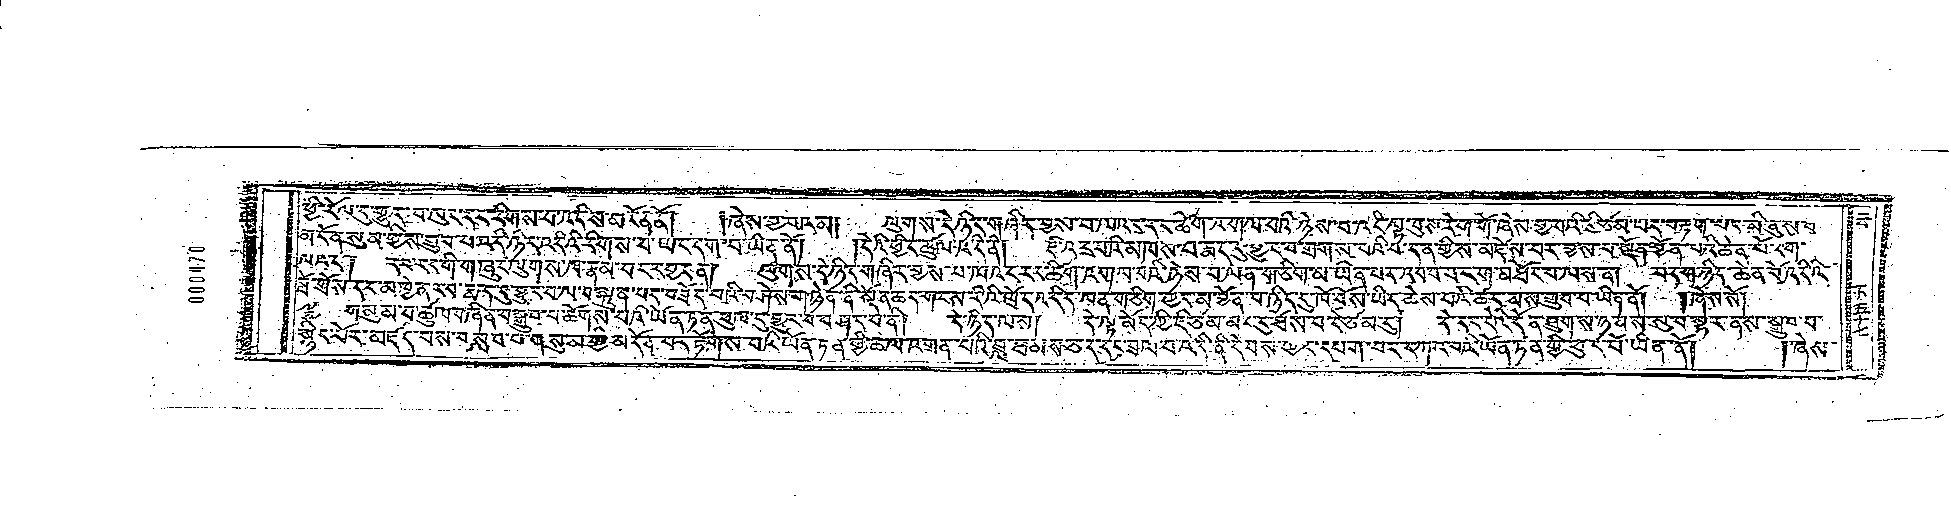ཕྱི་རོལ་དུ་གྱུར་བ་ལུང་དང་རིགས་བ་འདིས་མངོན་ནོ། །ཞེས་བྱ་བའམ། ལུགས་དེ་ཉིད་གཞིར་བྱས་བ་ལའང་རང་ཚིག་འགལ་བའི་ཉེས་བ་འདི་ལྟ་བུས་རེག་གོ་ཞེས་བྱ་བའི་དྲི་ཙམ་ཡང་བརྟག་པར་མི་ནུས་པ་
མངོན་སུམ་གྱིས་གྲུབ་པ་འདི་ཉིད་འདིའི་རིགས་པ་ཡང་དག་པ་ཡིན་ནོ། །དེའི་ཕྱིར་ཚུལ་འདི་ནི། ཇི་འདྲ་པའི་མཁས་པ་རྨད་དུ་བྱུང་བ་གྲགས་པའི་བ་དན་གྱིས་མཛེས་པར་བྱས་པ་སྔོན་བྱོན་པའི་ཆེན་པོ་དག་
ལའང་། རང་རང་གི་གཞུང་ལུགས་ལ་རྣམ་བང་དབྱང་ན། ཁུགས་དེ་ཉིད་གཞིར་བྱས་པ་ལའང་རང་ཚིག་འགལ་བའི་ཉེས་བ་ལན་གཅིག་མ་ཡིན་པར་འབབ་བདག་མཐོང་པ་ལས་ན། བདག་ཉིད་ཆེན་པོ་འདིའི་
བློ་གྲོས་དང་མཁྱེན་རབ་རྨད་དུ་བྱུང་བ་ལ་བསྐྲུན་པར་བཟོད་པའི་བཤེས་གཉེན་ནི་སྔོན་ཆད་གངས་རིའི་ཁྲོད་འདིར་ལན་གཅིག་ཀྱང་མ་བྱོན་པ་ཉིད་དུ་ཁོ་བོས་ཡིད་ཆེས་པའི་ཚད་མས་གྲུབ་པ་ཡིན་ནོ། །ཞེས་སོ།
༈ གསུམ་པ་ཚུལ་བཞིན་བསྒྲུབ་པ་ཆོགས་པའི་ཡོན་ཏན་ཕུལ་དུ་བྱུང་བ་བཤད་པ་ནི། དེ་ཉིད་ལས། དེ་ལྟ་མོད་ཀྱི་ཇི་ཙམ་མང་དུ་ཐོས་པ་དེ་ཙམ་དུ། དེ་དང་དེའི་དོན་ཐུགས་ཉམས་སུ་བསྟར་ནས་སྒྲུབ་པ་
སྙིང་པོར་མཛད་པས་བསླབ་པ་གསུམ་གྱི་མངོན་པར་རྟོགས་བའི་ཡོན་ཏན་གྱི་ཆལ་འགྲན་པའི་བླ་ཐམས་ཅད་དང་བྲལ་བ་འདི་ནི་དེ་བས་ཀྱང་དཔག་བར་དཀའ་བའི་ཡོན་ཏན་གྱི་ཕུང་པོ་ཡིན་ནོ། །ཞེས་